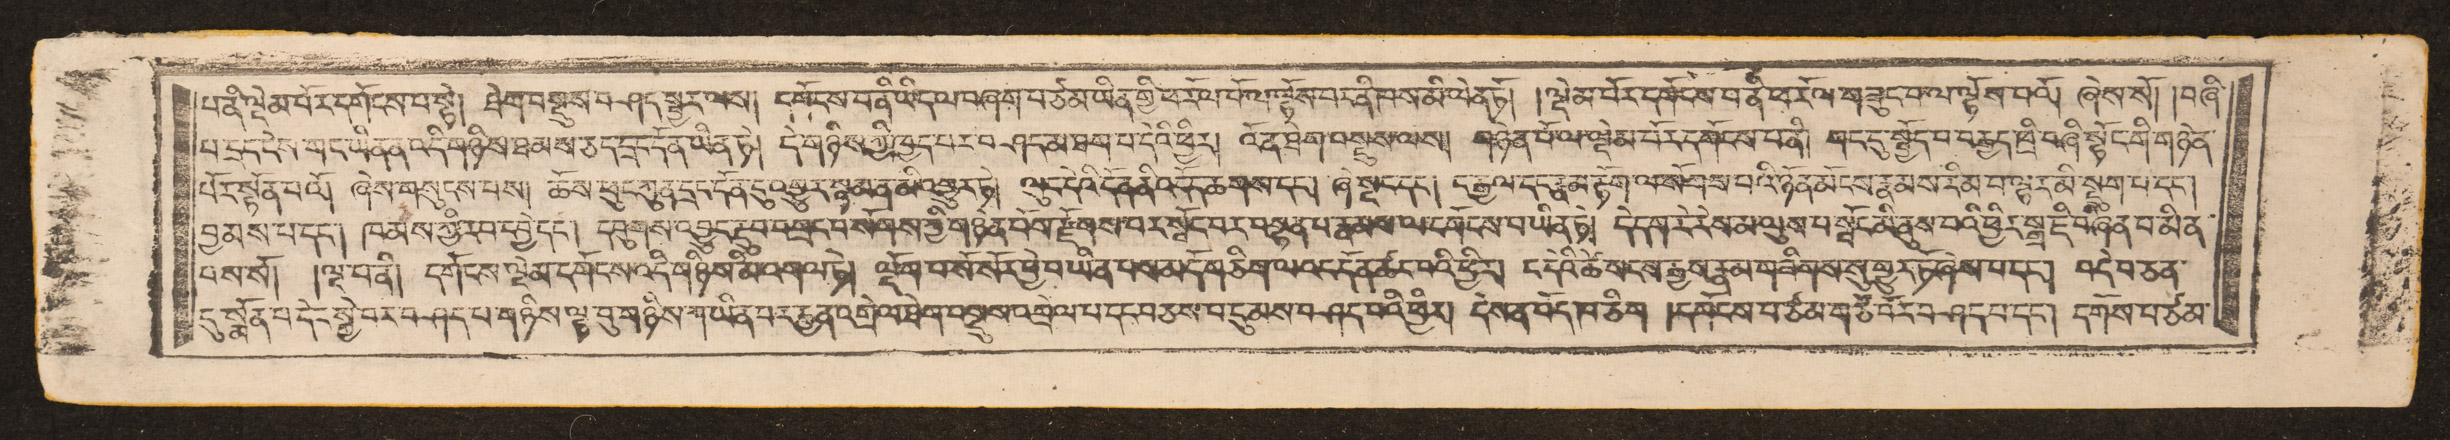པ་ནི་ལྡེམ་པོར་དགོངས་པ་སྟེ། ཐེག་བསྡུས་བཤད་སྦྱར་ལས། དགོངས་པ་ནི་ཡིད་ལ་བཞག་པ་ཙམ་ཡིན་གྱི་ཕ་རོལ་པོ་ལ་ལྟོས་པར་ནི་ཁས་མི་ལེན་ཏོ། །ལྡེམ་པོར་དགོངས་པ་ནི་ཕ་རོལ་གཟུང་བ་ལ་ལྟོས་པའོ། ཞེས་སོ། །བཞི་
པ་དྲང་ངེས་གང་ཡིན་ན་འདི་གཉིས་ཐམས་ཅད་དྲང་དོན་ཡིན་ཏེ། དེ་གཉིས་ཀྱི་ཁྱད་པར་བཤད་མ་ཐག་པ་དེའི་ཕྱིར། འོན་ཐེག་བསྡུས་ལས། གཉེན་པོ་ལ་ལྡེམ་པོར་དགོངས་པ་ནི། གང་དུ་སྤྱོད་པ་བརྒྱད་ཁྲི་བཞི་སྟོང་གི་གཉེན་
པོར་སྟོན་པའོ། ཞེས་གསུངས་པས། ཆོས་ཕུང་ཀུན་དྲང་དོན་དུ་འགྱུར་སྙམ་ན་མི་འགྱུར་ཏེ། ལུང་དེའི་དོན་ནི་འདོད་ཆགས་དང་། ཞེ་སྡང་དང་། ང་རྒྱལ་དང་རྣམ་རྟོག་ལ་སོགས་པའི་ཉོན་མོངས་རྣམས་རིམ་པ་ལྟར་མི་སྡུག་པ་དང་།
བྱམས་པ་དང་། ཁམས་ཀྱི་རབ་དབྱེ་དང་། དབུགས་འབྱུང་རྡུབ་བགྲང་བ་སོགས་ཀྱི་གཉེན་པོས་རྫོགས་པར་སྤོང་བར་བསྟན་པ་རྣམས་ལ་དགོངས་པ་ཡིན་ཏེ། དེ་དག་རེ་རེས་མ་ལུས་པ་སྤོང་མི་ནུས་པའི་ཕྱིར་སྒྲ་ཇི་བཞིན་པ་མིན་
པས་སོ། །ལྔ་པ་ནི། དགོངས་ལྡེམ་དགོངས་འདི་གཉིས་མི་འགལ་ཏེ། ལྡོག་པ་སོ་སོར་ཕྱེ་བ་ཡིན་པས་མདོ་གཅིག་ལའང་དོན་ཚང་བའི་ཕྱིར། འདིའི་ཚེ་སངས་རྒྱས་རྣམ་གཟིགས་སུ་གྱུར་ཏོ་ཞེས་པ་དང་། བདེ་བ་ཅན་
དུ་སྨོན་པ་དེང་སྐྱེ་བར་བཤད་པ་གཉིས་ལྟ་བུ་གཉིས་ཀ་ཡིན་པར་རྒྱན་འགྲེལ་ཐེག་བསྡུས་འགྲེལ་པ་དང་བཅས་པ་དུ་མས་བཤད་པའི་ཕྱིར། དེས་ན་བོད་ཁ་ཅིག །དགོངས་པ་ཙམ་གཙོ་བོར་བཤད་པ་དང་། དགོས་པ་ཙམ་